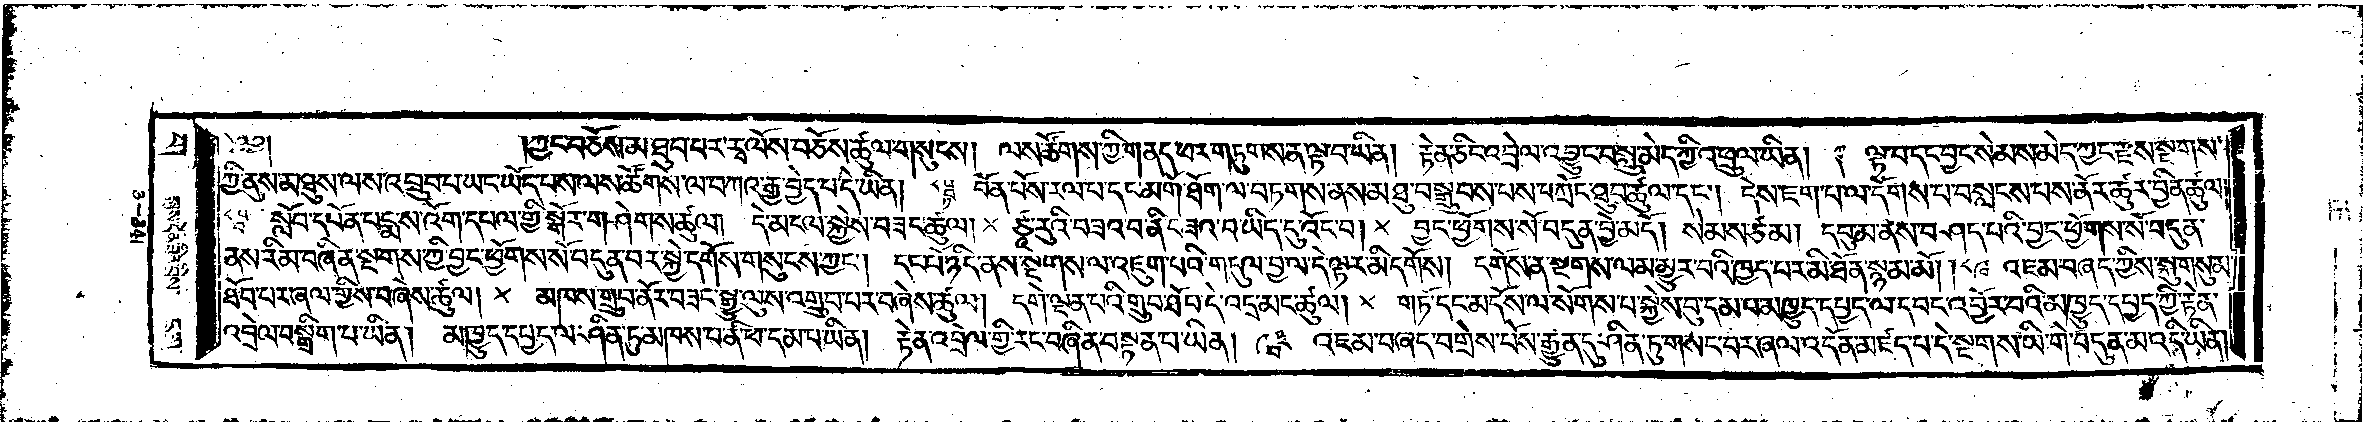༄༅། །ཀྱང་བཅོས་མ་ཐུབ་པར་རྭ་ལོས་བཅོས་ཚུལ་གསུངས། ལས་ཚོགས་ཀྱི་གནད་ཕར་གཏུགས་ན་ལྟ་བ་ཡིན། རྟེན་ཅིང་འབྲེལ་འབྱུང་བ་སླུ་མེད་ཀྱི་འཕྲུལ་ཡིན། ༈ ལྟ་པ་དང་བྱང་སེམས་མེད་ཀྱང་རྫས་སྔགས་
ཀྱི་ནུས་མཐུས་ལས་འགྲུབ་པ་ཡང་ཡོད་པས་ལས་ཚོགས་ལ་བཀའ་རྒྱ་བྱེད་པ་དེ་ཡིན། ༨༥་བོན་པོས་རལ་པ་དང་མགོ་ཐོག་ལ་བཏགས་ནས་མཐུ་བསྒྲུབས་པས་བཀྲོང་ཐུབ་ཚུལ་དང་། དེས་ཇག་པ་ལ་དོགས་པ་བསླངས་པས་ནོར་ཚུར་བྱིན་ཚུལ།
༨༥་སློབ་དཔོན་པདམ་ས་འོག་དཔལ་གྱི་སྒོར་གཤེགས་ཚུལ། དེ་མངལ་སྐྱེས་བཟང་ཚུལ། ྾་ཙཱ་རུའི་བཟའ་བ་ནི་བཟའ་བ་ཡིད་དུ་འོང་བ། ྾་བྱང་ཕྱོགས་སོ་བདུན་བྱེ་མདོ། སེམས་ཙམ། དབུ་མ་ནས་བཤད་པའི་བྱང་ཕྱོགས་སོ་བདུན་
ནས་རིམ་བཞིན་སྔགས་ཀྱི་བྱང་ཕྱོགས་སོ་བདུན་བར་སྐྱེ་དགོས་གསུངས་ཀྱང་། དང་པོ་ཉིད་ནས་སྔགས་ལ་འཇུག་པའི་གདུལ་བྱ་ལ་དེ་ལྟར་མི་དགོས། དགོས་ན་སྔགས་ལམ་མྱུར་བའི་ཁྱད་པར་མི་ཐོན་སྙམ་མོ། །༨༩་འཇམ་བཞད་ཀྱིས་སྐུ་གསུམ་
ཐོབ་པར་ཞལ་གྱིས་བཞེས་ཚུལ། ྾་མཁས་གྲུབ་ནོར་བཟང་སྒྱུ་ལུས་འགྲུབ་པར་བཞེས་ཚུལ། དགེ་ལྡན་པའི་གྲུབ་ཐོབ་དེ་འདྲ་མང་ཚུལ། ྾་གཏོ་དང་མདོས་ལ་སོགས་པ་སྐྱེས་བུ་དམ་བ་མཁྱུད་དཔྱད་ལ་དབང་འབྱོར་བའི་མཁྱུད་དཔྱད་ཀྱི་རྟེན་
འབྲེལ་བསྒྲིག་པ་ཡིན། མཁྱུད་དཔྱད་ལ་ཤིན་ཏུ་མཁས་པ་ནི་ཕ་དམ་པ་ཡིན། རྟེན་འབྲེལ་གྱི་རང་བཞིན་བསྟན་པ་ཡིན། ༩༣་འཇམ་བཞད་བགྲེས་པོས་རྒྱུན་དུ་ཤིན་ཏུ་གསང་བར་ཞལ་འདོན་མཛད་པ་དེ་སྔགས་ཡི་གེ་བདུན་མ་འདི་ཡིན།